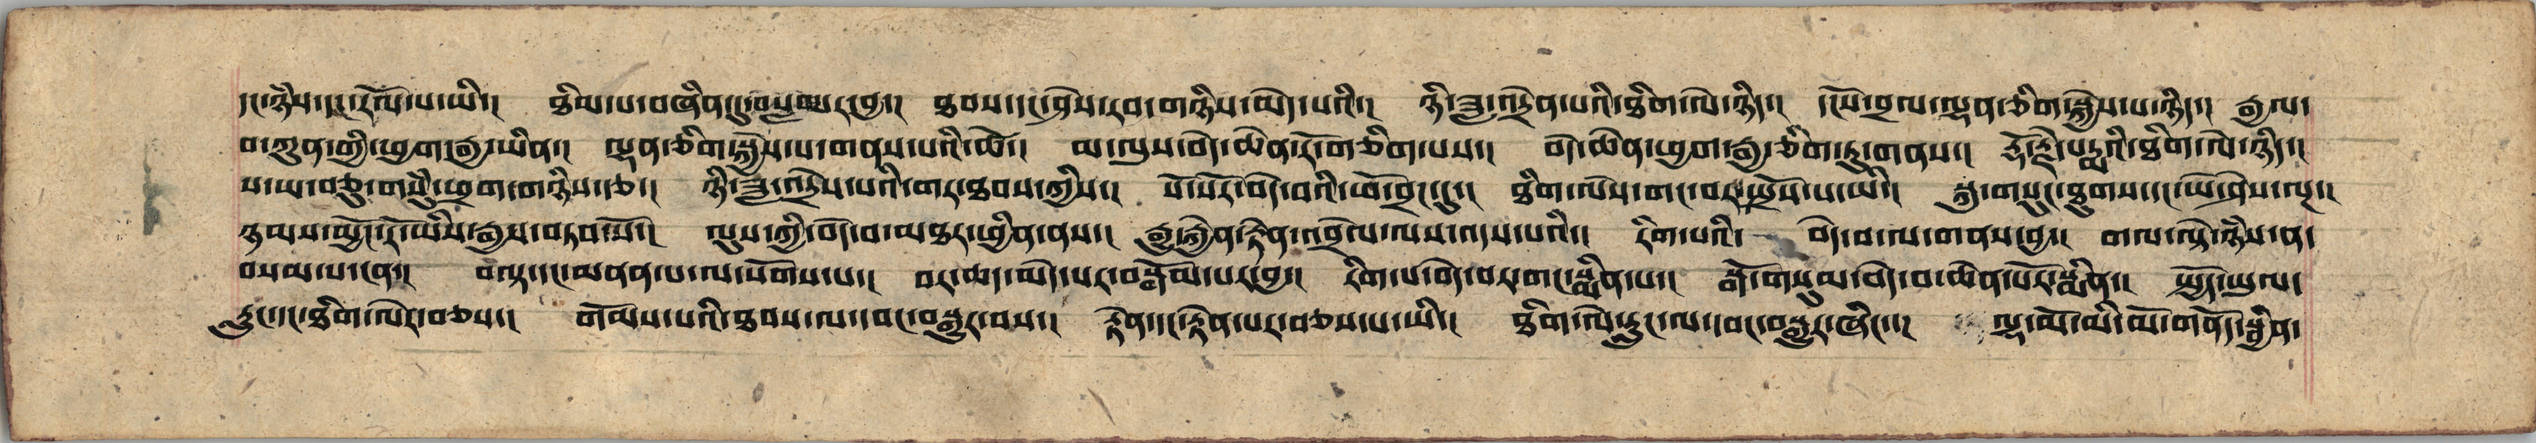དང་ཉཾས་དང་རོལ་པ་ཡི་། ཐིམ་པ་བཞིན་དུ་བསླབ་པར་བྱ་། ཐབས་དང་ཤེས་རབ་གཉིས་མེད་པའི་། ཉི་ཟླ་འདྲེན་པའི་ཐིག་ལེ་ཉིད་། དངོས་བྲལ་ལྷན་ཅིག་སྐྱེས་པ་ཉིད་། རྒྱལ་
བ་ཀུན་གྱི་ཕྱག་རྒྱ་ཡིན་། ལྷན་ཅིག་སྐྱེས་པ་གནས་པའི་ཚེ་། མ་ལུས་བདེ་ཆེན་རོ་གཅིག་པས་། བདེ་ཆེན་ཕྱག་རྒྱ་ཅིག་ཏུ་གནས་། རྡོ་རྗེ་པདྨའི་ཐིག་ལེ་ཉིད་།
ས་ཡ་བཅུ་གསུཾ་ཕྲག་གཉིས་རྩ་། ཉི་ཟླ་འདྲེས་པའི་གར་ཐབས་ཀྱིས་། སོ་སོར་བདེ་བའི་ཕོ་བྲང་དུ་། ཐིག་ལེས་གང་བར་སྤྲོས་པ་ཡི་། སྐུ་གསུང་ཐུགས་དང་ཡེ་ཤེས་ལྔ་།
ཉམས་མྱོང་རོ་ཡིས་རྒྱས་བཏབ་སོ་། ལུས་ཀྱི་བདེ་བ་མཐར་ཕྱིན་ནས་། རྒྱུ་རྐྱེན་རྟེན་འབྲེལ་ལས་འདས་པའི་། རིག་པའི་ བདེ་བ་ལ་གནས་བྱ་། གལ་ལྟེ་ཉཾས་ན་
བསམ་པ་ངན་། བལྟ་དང་མནན་པ་ལ་སོགས་པ་། བར་ཆད་མེད་པར་བསྒོམ་པར་བྱ་། རིག་པ་བདེ་བར་གང་སྨིན་པ་། སྒོ་གསུམ་བདེ་བ་ཆེན་པོར་སྨིན་། སྤྱོད་ཡུལ་
རླུང་དང་ཐིག་ལེར་བཅས་། གོམས་པའི་ཐབས་ལ་དབང་བསྒྱུར་བས་། རྟེན་དང་རྟེན་པར་བཅས་པ་ཡི་། ཐིག་ལེ་རླུང་ལ་དབང་བསྒྱུར་ཞིང་་། ལྷ་མོ་མི་མོ་གནོད་སྦྱིན་